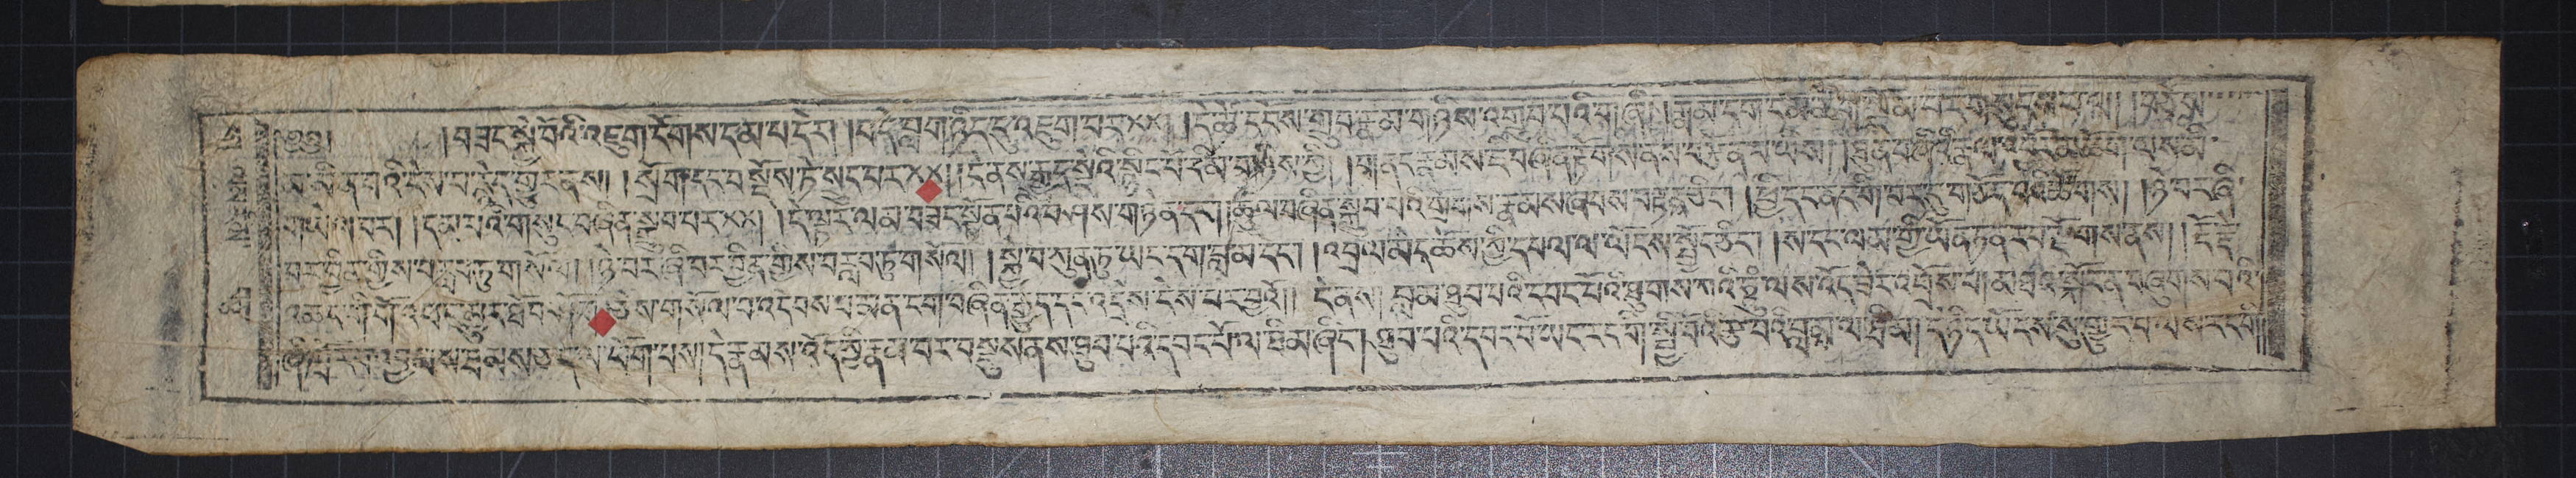༄༅། །བཟང་སྐྱེ་བོའི་འཇུག་ངོགས་དམ་པ་དེར། །བདེ་བླག་ཉིད་དུ་འཇུག་པར་྾་྾། དེ་ཚེ་དངོས་གྲུབ་རྣམ་གཉིས་འགྲུབ་པའི་གཞི། །རྣམ་དག་དམ་ཚིག་སྡོམ་པར་གསུངས་པ་ལ། །བཅོས་
མ་མིན་པའི་ངེས་པ་རྙེད་གྱུར་ནས། །སྲོག་དང་བསྡོས་ཏེ་སྲུང་བར་྾་྾། །དེ་ནས་རྒྱུད་སྡེའི་སྙིང་པོ་རིམ་གཉིས་ཀྱི། །གནད་རྣམས་ཇི་བཞིན་རྟོགས་ནས་བརྩོན་པ་ཡིས། །ཐུན་བཞིའི་རྣལ་འབྱོར་མཆོག་ལས་མི་
གཡེལ་བར། །དམ་པའི་གསུང་བཞིན་སྒྲུབ་པར་྾་྾། །དེ་ལྟར་ལམ་བཟང་སྟོན་པའི་བཤེས་གཉེན་དང་། །ཚུལ་བཞིན་སྒྲུབ་པའི་གྲོགས་རྣམས་ཞབས་བརྟན་ཅིང་། །ཕྱི་དང་ནང་གི་བར་དུ་གཅོད་པའི་ཚོགས། །ཉེ་བར་ཞི་
བར་བྱིན་གྱིས་བརླབ་ཏུ་གསོལ། །ཉེ་བར་ཞི་བར་བྱིན་གྱིས་བརླབ་ཏུ་གསོལ། སྐྱེ་བ་ཀུན་ཏུ་ཡང་དག་བླ་མ་དང་། །འབྲལ་མེད་ཆོས་ཀྱི་དཔལ་ལ་ལོངས་སྤྱོད་ཅིང་། །ས་དང་ལམ་གྱི་ཡོན་ཏན་རབ་རྫོགས་ནས། ། རྡོ་རྗེ་
འཆང་གི་གོ་འཕང་མྱུར་ཐོབ་ཤོག །ཅེས་གསོལ་བ་འདེབས་པ་མན་ངག་བཞིན་རྒྱུད་དང་འདྲེས་ངེས་པར་བྱའོ། །དེ་ནས། བླ་མ་ཐུབ་པའི་དབང་པོའི་ཐུགས་ཀའི་ཧཱུཾ་ལས་འོད་ཟེར་འཕྲོས་པ། །མཐའ་སྐོར་ན་བཞུགས་པའི་
ཞི་ཁྲོ་རབ་འབྱམས་ཐམས་ཅད་ལ་ཕོག་པས། དེ་རྣམས་འོད་ཀྱི་རྣམ་པར་བསྡུས་ནས་ཐུབ་པའི་དབང་པོ་ལ་ཐིམ་ཞིང་། ཐུབ་པའི་དབང་པོ་ཡང་རང་གི་སྤྱི་བོའི་རྩ་བའི་བླ་མ་ལ་ཐིམ། དེ་ཉིད་ཡོངས་སུ་གྱུར་པ་ལས་རང་གི་